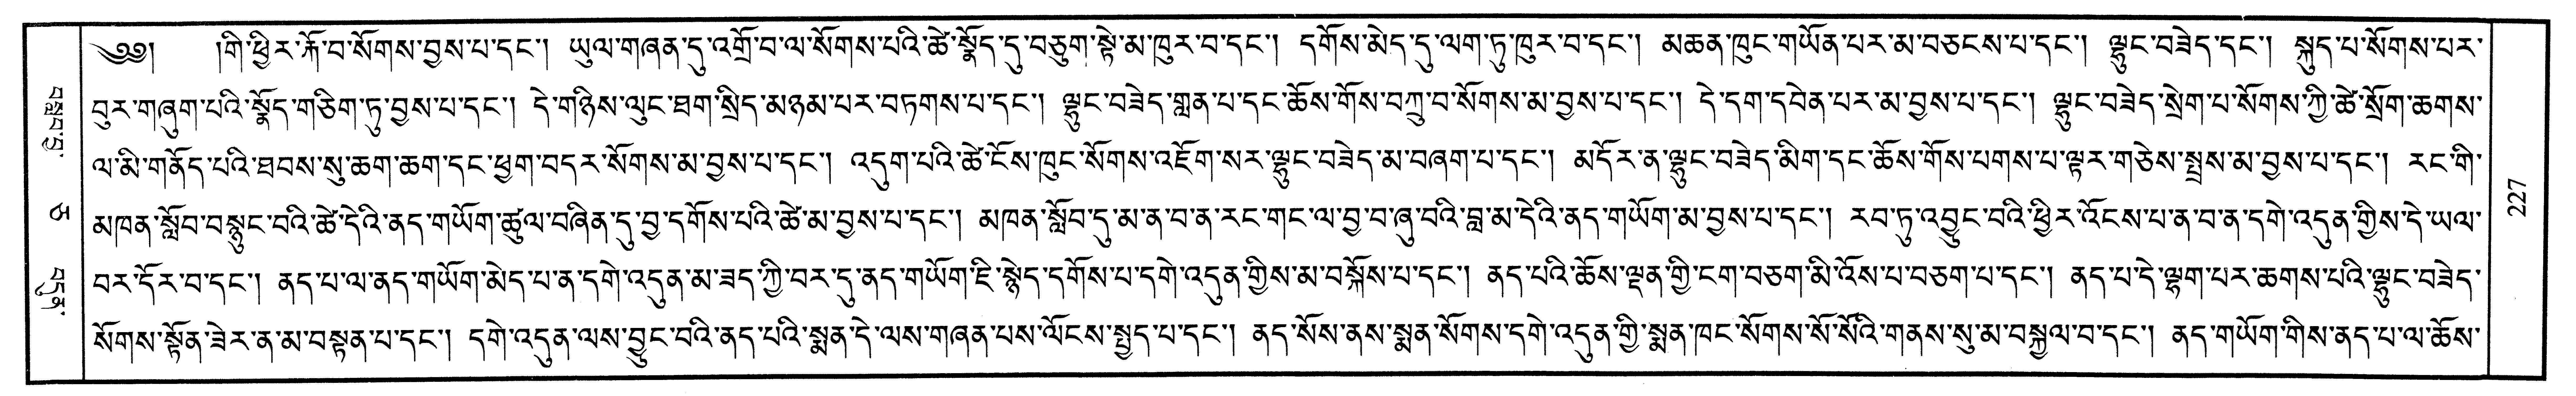༄༅། །གི་ཕྱིར་རྐོ་བ་སོགས་བྱས་པ་དང་། ཡུལ་གཞན་དུ་འགྲོ་བ་ལ་སོགས་པའི་ཚེ་སྣོད་དུ་བཅུག་སྟེ་མ་ཁུར་བ་དང་། དགོས་མེད་དུ་ལག་ཏུ་ཁུར་བ་དང་། མཆན་ཁུང་གཡོན་པར་མ་བཅངས་པ་དང་། ལྷུང་བཟེད་དང་། སྐུད་པ་སོགས་པར་
བུར་གཞུག་པའི་སྣོད་གཅིག་ཏུ་བྱས་པ་དང་། དེ་གཉིས་ལུང་ཐག་སྲིད་མཉམ་པར་བཏགས་པ་དང་། ལྷུང་བཟེད་གླན་པ་དང་ཆོས་གོས་བཀྲུ་བ་སོགས་མ་བྱས་པ་དང་། དེ་དག་དབེན་པར་མ་བྱས་པ་དང་། ལྷུང་བཟེད་སྲེག་པ་སོགས་ཀྱི་ཚེ་སྲོག་ཆགས་
ལ་མི་གནོད་པའི་ཐབས་སུ་ཆག་ཆག་དང་ཕྱག་བདར་སོགས་མ་བྱས་པ་དང་། འདུག་པའི་ཚེ་ངོས་ཁུང་སོགས་འཇོག་སར་ལྷུང་བཟེད་མ་བཞག་པ་དང་། མདོར་ན་ལྷུང་བཟེད་མིག་དང་ཆོས་གོས་པགས་པ་ལྟར་གཅེས་སྤྲས་མ་བྱས་པ་དང་། རང་གི་
མཁན་སློབ་བསྙུང་བའི་ཚེ་དེའི་ནད་གཡོག་ཚུལ་བཞིན་དུ་བྱ་དགོས་པའི་ཚེ་མ་བྱས་པ་དང་། མཁན་སློབ་དུ་མ་ན་བ་ན་རང་གང་ལ་བྱ་བ་ཞུ་བའི་བླ་མ་དེའི་ནད་གཡོག་མ་བྱས་པ་དང་། རབ་ཏུ་འབྱུང་བའི་ཕྱིར་འོངས་པ་ན་བ་ན་དགེ་འདུན་གྱིས་དེ་ཡལ་
བར་དོར་བ་དང་། ནད་པ་ལ་ནད་གཡོག་མེད་པ་ན་དགེ་འདུན་མ་ཟད་ཀྱི་བར་དུ་ནད་གཡོག་ཇི་སྙེད་དགོས་པ་དགེ་འདུན་གྱིས་མ་བསྐོས་པ་དང་། ནད་པའི་ཆོས་ལྡན་གྱི་ངག་བཅག་མི་འོས་པ་བཅག་པ་དང་། ནད་པ་དེ་ལྷག་པར་ཆགས་པའི་ལྷུང་བཟེད་
སོགས་སྟོན་ཟེར་ན་མ་བསྟན་པ་དང་། དགེ་འདུན་ལས་བྱུང་བའི་ནད་པའི་སྨན་དེ་ལས་གཞན་པས་ལོངས་སྤྱད་པ་དང་། ནད་སོས་ནས་སྨན་སོགས་དགེ་འདུན་གྱི་སྨན་ཁང་སོགས་སོ་སོའི་གནས་སུ་མ་བསྐྱལ་བ་དང་། ནད་གཡོག་གིས་ནད་པ་ལ་ཆོས་